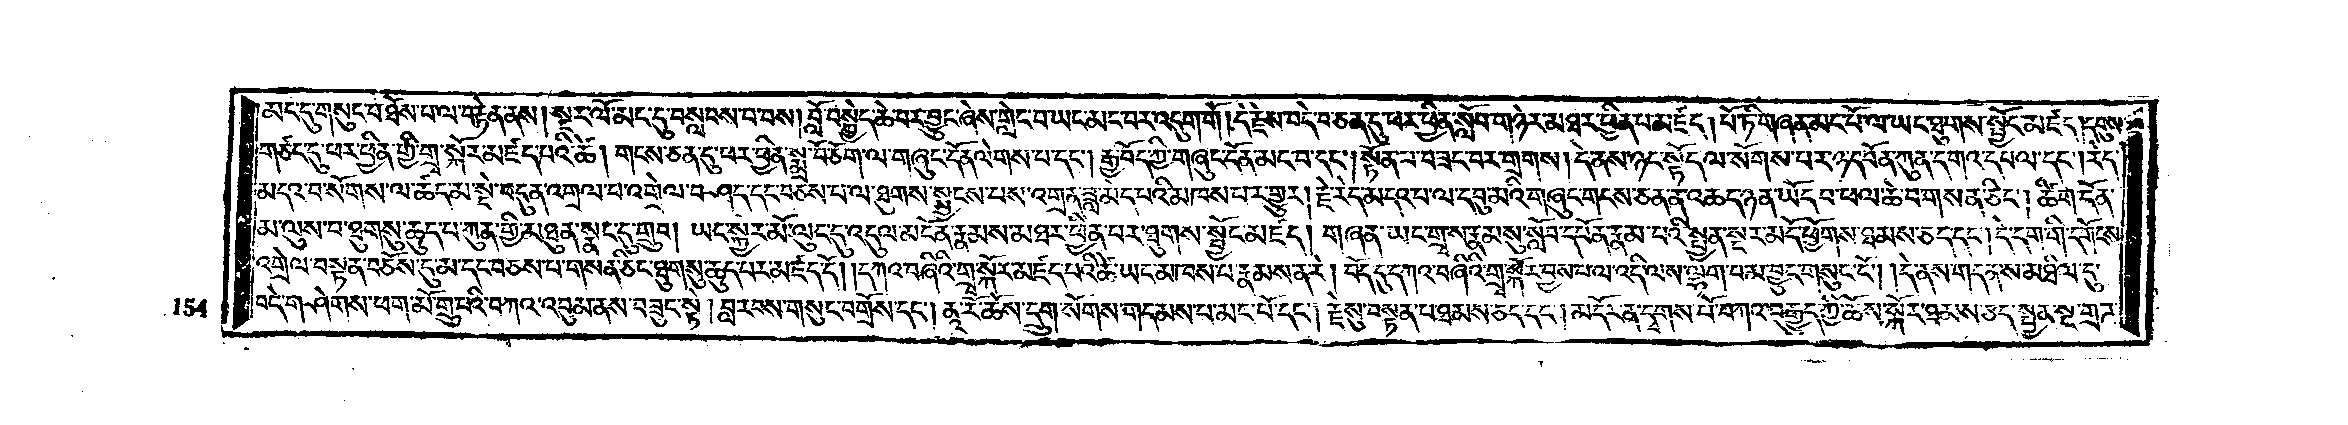མང་དུ་གསུང་པ་ཐོས་པ་ལ་བརྟེན་ནས། སྔར་ལོ་མང་དུ་བསླབས་པ་བས། བློ་བསྐྱེད་ཆེ་བར་བྱུང་ཞེས་གླེང་བ་ཡང་མང་བར་འདུག་གོ། དེ་རྗེས་བདེ་བ་ཅན་དུ་ཕར་ཕྱིན་སློབ་གཉེར་མཐར་ཕྱིན་པ་མཛད། པོ་ཏི་གཞན་མང་པོ་ལ་ཡང་ཐུགས་སྤྱོད་མཛད། དབུས་
གཙང་དུ་ཕར་ཕྱིན་གྱི་གྲྭ་སྐོར་མཛད་པའི་ཚེ། གངས་ཅན་དུ་ཕར་ཕྱིན་སྨྲ་བོ་ཅོག་ལ་གཞུང་དོན་ལེགས་པ་དང་། རྒྱ་བོད་ཀྱི་གཞུང་དོན་མང་བ་དང་། སྟོན་པ་བཟང་བར་གྲགས། དེ་ནས་ཉང་སྟོད་ལ་སོགས་པར་ཉ་དབོན་ཀུན་དགའ་དཔལ་དང་། རེད་
མདའ་བ་སོགས་ལ་ཚད་མ་སྡེ་བདུན་འགྲལ་པ་འགྲེལ་བཤད་དང་བཅས་པ་ལ་ཐུགས་སྤྱངས་པས་འགྲན་ཟླ་མེད་པའི་མཁས་པར་གྱུར། རྗེ་རེད་མདའ་པ་ལ་དབུ་མའི་གཞུང་གངས་ཅན་ན་འཆད་ཉན་ཡོད་པ་ཕལ་ཆེ་བ་གསན་ཅིང་། ཚེག་དོན་
མ་ལུས་པ་ཐུགས་སུ་ཆུད་པ་ཀུན་གྱི་མཐུན་སྣང་དུ་གྲུབ། ཡང་སྐྱེར་མོ་ལུང་དུ་འདུལ་མངོན་རྣམས་མཐར་ཕྱིན་པར་ཐུགས་སྦྱོང་མཛད། གཞན་ཡང་གྲྭ་ས་རྣམས་སུ་སློབ་དཔོན་རྣམ་པའི་སྤྱན་སྔར་མདོ་ཕྱོགས་ཐམས་ཅད་དང་། དེ་དག་གི་དགོངས་
འགྲེལ་བསྟན་བཅོས་དུ་མ་དང་བཅས་པ་གསན་ཅིང་ཐུགས་སུ་ཆུད་པར་མཛད་དོ། །དཀའ་བཞིའི་གྲྭ་སྐོར་མཛད་པའི་ཚེ་ཡང་མཁས་པ་རྣམས་ན་རེ། བོད་དུ་དཀའ་བཞིའི་གྲྭ་སྐོར་བྱས་པ་ལ་འདི་ལས་ལྷག་པ་མ་བྱུང་གསུང་ངོ། །དེ་ནས་གདན་ས་མཐིལ་དུ་
བདེ་གཤེགས་ཕག་མོ་གྲུ་པའི་བཀའ་འབུམ་ནས་བཟུང་སྟེ། བླ་རབས་གསུང་བགྲོས་དང་། ནཱ་རོ་ཆོས་དྲུག་སོགས་གདམས་པ་མང་པོ་དང་། རྗེ་སུ་བསྟན་པ་ཐམས་ཅད་དང་། མདོར་ན་དྭགས་པོ་བཀའ་བརྒྱུད་ཀྱི་ཆོས་སྐོར་ཐམས་ཅད་སྤྱན་སྔ་གྲགས་